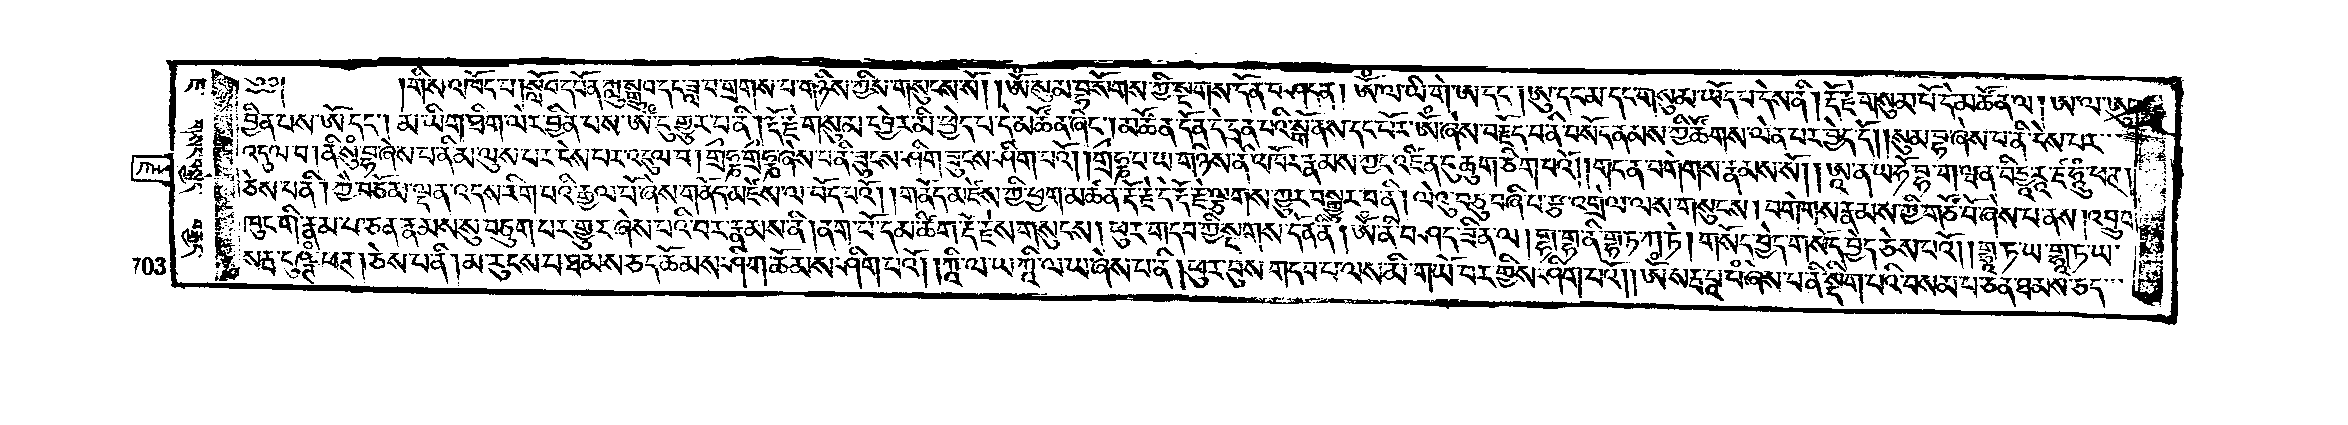༄༅། །གིས་འཁོད་པ། སློབ་དཔོན་ཀླུ་སྒྲུབ་དང་ཟླ་བ་གྲགས་པ་གཉིས་ཀྱིས་གསུངས་སོ། །ཨོཾ་སུམ་བྷ་སོགས་ཀྱི་སྔགས་དོན་བཤད་ན། ཨོཾ་ལ་ཡི་གེ་ཨ་དང་། ཨུ་དང་མ་དང་གསུམ་ཡོད་པ་དེས་ནི། རྡོ་རྗེ་གསུམ་པོ་དེ་མཚོན་ལ། ཨ་ལ་ཨུ་
བྱིན་པས་ཨོ་དང་། མ་ཡིག་ཐིག་ལེར་བྱིན་པས་ཨོཾ་དུ་གྱུར་པ་ནི། རྡོ་རྗེ་གསུམ་དབྱེར་མི་ཕྱེད་པ་དེ་མཚོན་ཞིང་། མཚོན་དོན་དེ་དྲན་པའི་སྒོ་ནས་དང་པོར་ཨོཾ་ཞེས་བརྗོད་པ་ནི་བསོད་ནམས་ཀྱི་ཚོགས་ལེན་པར་བྱེད་དོ། །སུམ་བྷ་ཞེས་པ་ནི་ངེས་པར་
འདུལ་བ། ནི་སུཾ་བྷ་ཞེས་པ་ནི་མ་ལུས་པར་ངེས་པར་འདུལ་བ། གྲྀཧྞ་གྲྀཧྞ་?་ཞེས་པ་ནི་ཟུངས་ཤིག་ཟུངས་ཤིག་པའོ། །གྲྀཧཎ་པ་ཡ་གཉིས་ནི་འཁོར་རྣམས་ཀྱང་འཛིན་དུ་ཆུག་ཅིག་པའོ། །གང་ན་འགོགས་རྣམས་སོ། །ཨཱ་ན་ཡ་ཧོ་བྷ་ག་ཝ་ན་བིདྱཱ་རཱ་ཛ་ཧཱུཾ་ཕཊ།
ཅེས་པ་ནི། ཀྱཻ་བཅོམ་ལྡན་འདས་རིག་པའི་རྒྱལ་པོ་ཞེས་གནོད་མཛེས་ལ་བོད་པའོ། །གནོད་མཛེས་ཀྱི་ཕྱག་མཚན་རྡོ་རྗེ་དེ་རྡོ་རྗེ་ལྕགས་ཀྱུར་བསྒྱུར་བ་ནི། ལེའུ་བཅུ་བཞི་པ་རྩ་འགྲེལ་ལས་གསུངས། བགེགས་རྣམས་ཀྱི་གཙོ་བོ་ཞེས་པ་ནས། འབྲུག་
ཁུང་གི་རྣམ་པ་ཅན་རྣམས་སུ་བཅུག་པར་གྱུར་ཞེས་པའི་བར་རྣམས་ནི། ནག་པོ་དམ་ཚིག་རྡོ་རྗེས་གསུངས། ཕུར་གདབ་ཀྱི་སྔགས་དོན་ནི། ཨོཾ་ནི་བཤད་ཟིན་ལ། གྷ་གྷ་ནི་གྷ་ཏ་ཀ་ཏེ། གསོད་བྱེད་གསོད་བྱེད་ཅེས་པའོ། །གྷཱ་ཏ་ཡ་གྷཱ་ཏ་ཡ་
སརྦ་དུཥྚཾ་ཕཊ། ཅེས་པ་ནི། མ་རུངས་པ་ཐམས་ཅད་ཆོམས་ཤིག་ཆོམས་ཤིག་པའོ། །ཀཱི་ལ་ཡ་ཀཱི་ལ་ཡ་ཞེས་པ་ནི། ཕུར་བུས་གདབ་པ་ལས་མི་གཡོ་བར་གྱིས་ཤིག་པའོ། །ཨོཾ་སརྦ་པཱ་པཾ་ཞེས་པ་ནི་སྡིག་པའི་བསམ་པ་ཅན་ཐམས་ཅད་